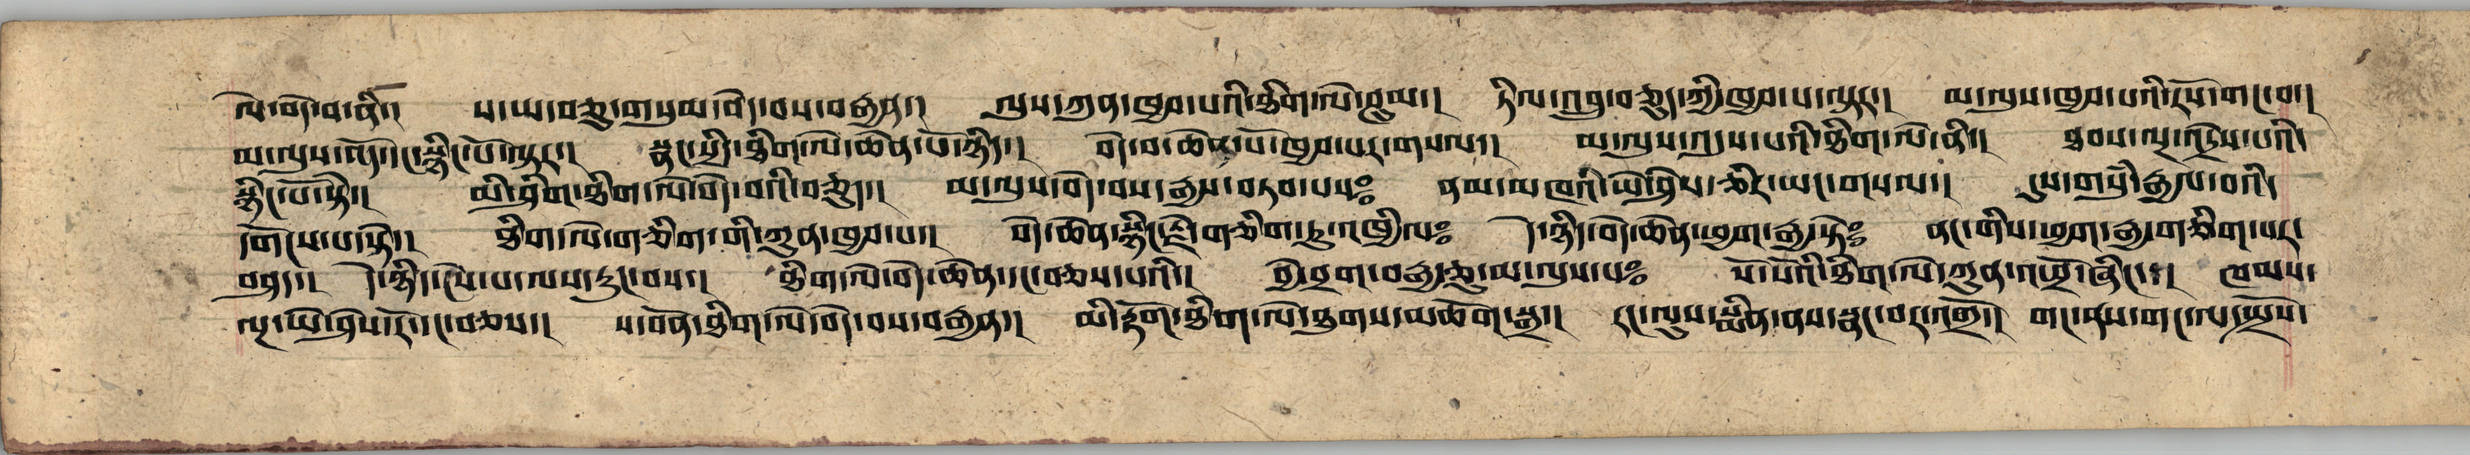ལེ་བདེ་བ་ནི་། ས་ཡ་བཅུ་གསུམ་བདེ་བས་བརྒྱན་། ལུས་ཀུན་ཁྱབ་པའི་ཐིག་ལེ་ཤུལ་། ཏིལ་འབྲུ་བཅུད་ཀྱི་ཁྱབ་པ་ལྟར་། མ་ལུས་ཁྱབ་པའི་རོས་གང་བ་།
མ་ལུས་འོད་དང་སྙིང་པོ་ལྟར་། སྣང་སྲིད་ཐིག་ལེ་ཆེན་པོ་ཉིད་། བདེ་བ་ཆེན་པོ་ཁྱབ་པར་གསལ་། མ་ལུས་འདུས་པའི་ཐིག་ལེ་ནི་། ཐབས་ལྔ་འདྲེས་པའི་
སྙིང་པོ་སྟེ་། མི་ཤིག་ཐིག་ལེ་བདེ་བའི་བཅུད་། མ་ལུས་བདེ་བས་རྒྱས་བཏབ་པས༔ ནམ་མཁའི་ཡེ་ཤེས་ཅིར་ཡང་གསལ་། དུས་གསུཾ་རྒྱལ་བའི་
དགོངས་པ་སྟེ་། ཐིག་ལེ་གཅིག་གི་ཀུན་ཁྱབ་པ་། བདེ་ཆེན་སྙིང་རྗེ་གཅིག་ཏུ་འཁྱིལ་། དེ་ཉིད་བདེ་ཆེན་ཕྱག་རྒྱ་སྟེ༔ ནང་གིས་ཕྱག་རྒྱ་གཅིག་པར་
བཤད་། དེ་ཉིད་ངེས་པ་ལས་རུང་བས་། ཐིག་ལེ་བདེ་ཆེན་དང་བཅས་པའི་། བྱེ་བྲག་བརྒྱ་ཅུ་མ་ལུས་པ༔ སོ་སོའི་ཐིག་ལེ་ཀུན་འཕྲོ་ཞིང་་། ཁམས་
ལྔ་ཡེ་ཤེས་རོ་དང་བཅས་། ས་བོན་ཐིག་ལེ་བདེ་བས་བརྒྱན་། མི་རྟོག་ཐིག་ལེ་ཐུགས་མཆོག་སྒྲ་། རང་ལུས་སྨིན་ནས་སྣང་བར་འགྲོ་། གང་ནས་གང་ལ་སྤྲོས་